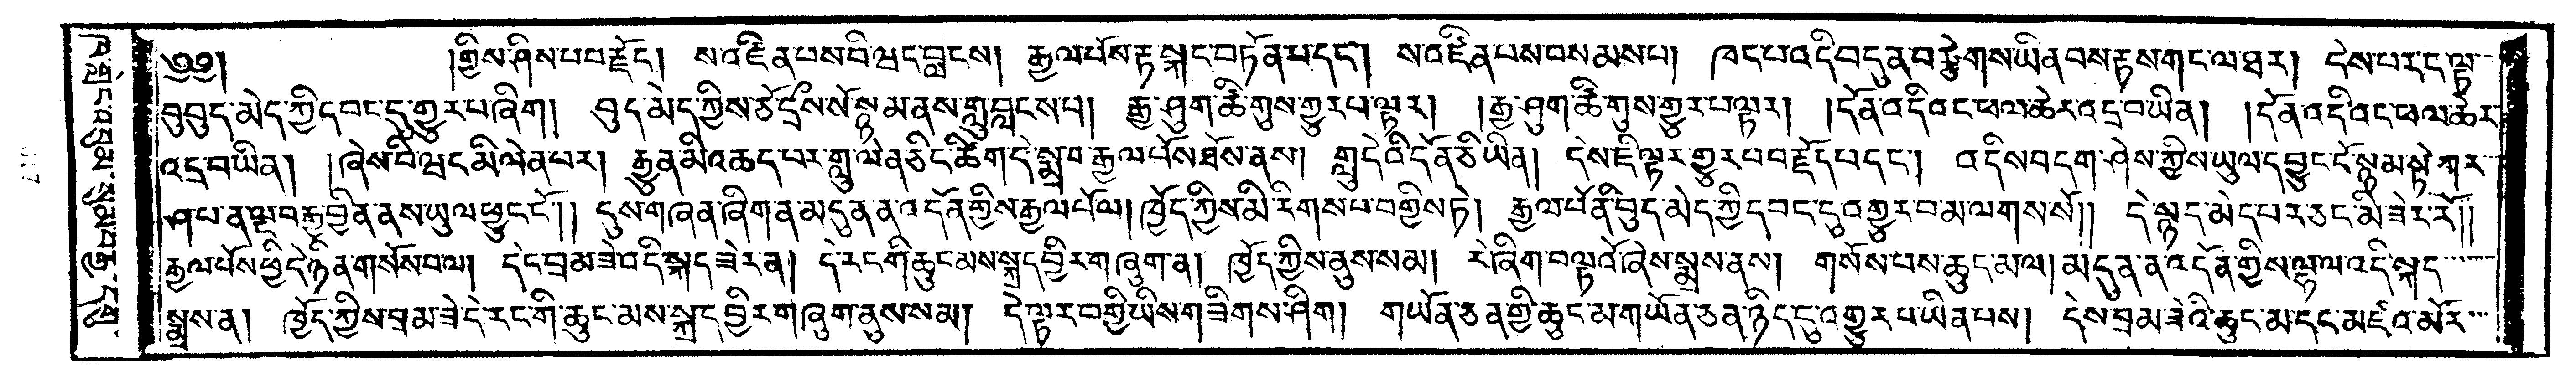༄༅། །གྱིས་ཤིས་པ་བརྗོད། ས་འཛིན་པས་བི་ཝང་བླངས། རྒྱལ་པོས་རྟ་སྐང་བཏོན་པ་དང་། ས་འཛིན་པས་བསམས་པ། ཁང་པ་འདི་བདུན་བརྩེགས་ཡིན་པས་རྟས་གང་ལ་ཐར། ངེས་པར་ད་ལྟ་
བུ་བུད་མེད་ཀྱི་དབང་དུ་གྱུར་པ་ཞིག། བུད་མེད་ཀྱིས་ཅོ་དྲྀས་སོ་སྙམ་ནས་གླུ་བླངས་པ། རྒྱ་ཤུག་ཚི་གུས་གྱུར་པ་ལྟར། །རྒྱ་ཤུག་ཚི་གུས་གྱུར་པ་ལྟར། །དོན་འདིའང་ཕལ་ཆེར་འདྲ་བ་ཡིན། །དོན་འདི་འང་ཕལ་ཆེར་
འདྲ་བ་ཡིན། །ཞེས་བི་ཝང་མི་ལེན་པར། རྒྱུན་མི་འཆད་པར་གླུ་ལེན་ཅིང་ཚིག་དེ་སྨྲ་བ་རྒྱལ་པོས་ཐོས་ནས། གླུ་དེའི་དོན་ཅི་ཡིན། དེས་ཇི་ལྟར་གྱུར་པ་བརྗོད་པ་དང་། འདིས་བདག་ཤེས་ཀྱིས་ཡུལ་དབྱུང་ངོ་སྙམ་སྟེ་ཀར་
ཤ་པ་ན་ལྔ་བརྒྱ་བྱིན་ནས་ཡུལ་ཕྱུང་ངོ།། དུས་གཞན་ཞིག་ན་མདུན་ན་འདོན་གྱིས་རྒྱལ་པོ་ལ། ཁྱོད་ཀྱིས་མི་རིགས་པ་བགྱིས་ཏེ། རྒྱལ་པོ་ནི་བུད་མེད་ཀྱི་དབང་དུ་འགྱུར་བ་མ་ལགས་སོ།། དེ་སྙད་མེད་པར་ཅང་མི་ཟེར་རོ།།
རྒྱལ་པོས་ཕྱི་དེ་ཉིན་གསོས་པ་ལ། དེང་བྲམ་ཟེ་འདི་སྐད་ཟེར་ན། དེ་རང་གི་ཆུང་མས་སྐྲད་བྱིར་གཞུག་ན། ཁྱོད་ཀྱིས་ནུས་སམ། རེ་ཞིག་བལྟའོ་ཞེས་སྨྲས་ནས། གསོས་པས་ཆུང་མ་ལ། མདུན་ན་འདོན་གྱིས་ལྷ་ལ་འདི་སྐད་
སྨྲས་ན། ཁྱོད་ཀྱིས་བྲམ་ཟེ་དེ་རང་གི་ཆུང་མས་སྐྲད་བྱིར་གཞུག་ནུས་སམ། དེ་ལྟར་བགྱི་ཡིས་གཟིགས་ཤིག། གཡོན་ཅན་གྱི་ཆུང་མ་གཡོན་ཅན་ཉིད་དུ་འགྱུར་པ་ཡིན་པས། དེས་བྲམ་ཟེའི་ཆུང་མ་དང་མཛའ་མོར་